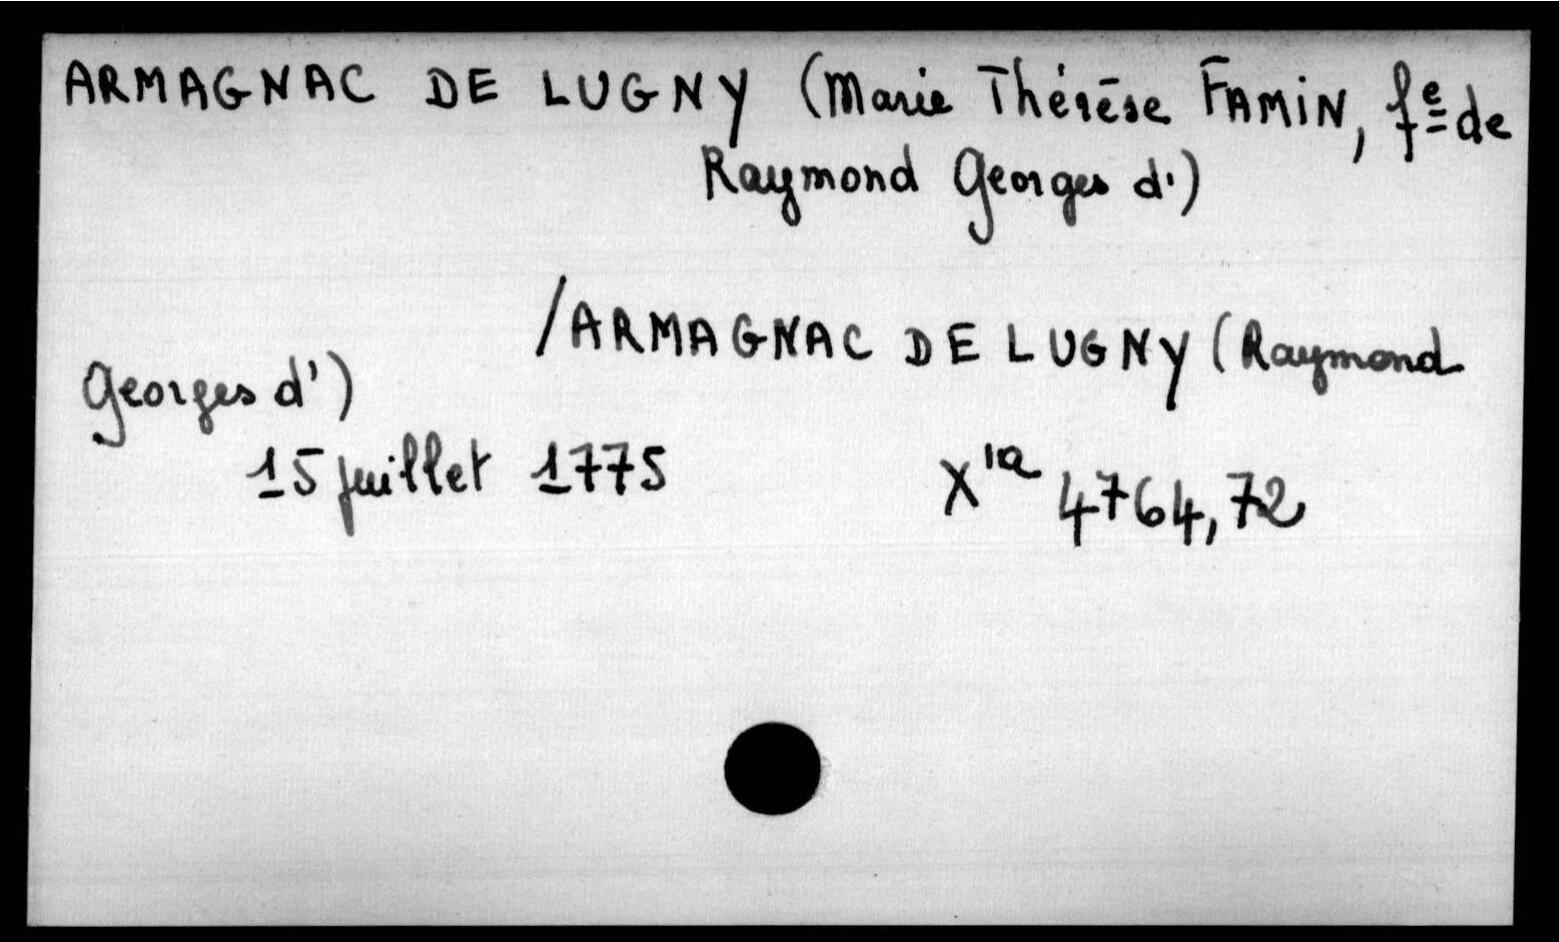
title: ARMAGNAC DE LUGNY (Marie Thérèse FAMIN, femme de Raymond Georges d')
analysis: Contre ARMAGNAC DE LUGNY (Raymond Georges d')
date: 15 juillet 1775
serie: X1a
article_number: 4764
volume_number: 72
